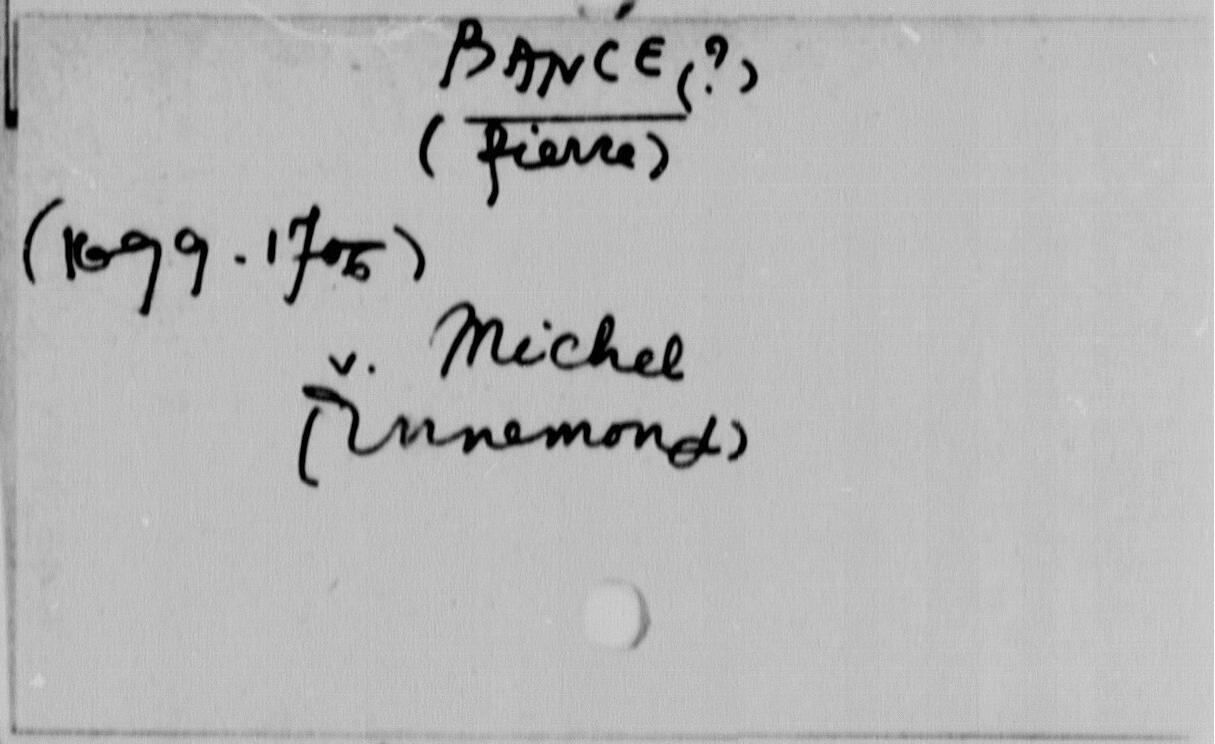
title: BANCE (Pierre)
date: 1699-1706
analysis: Voir Michel (Ennemond)
